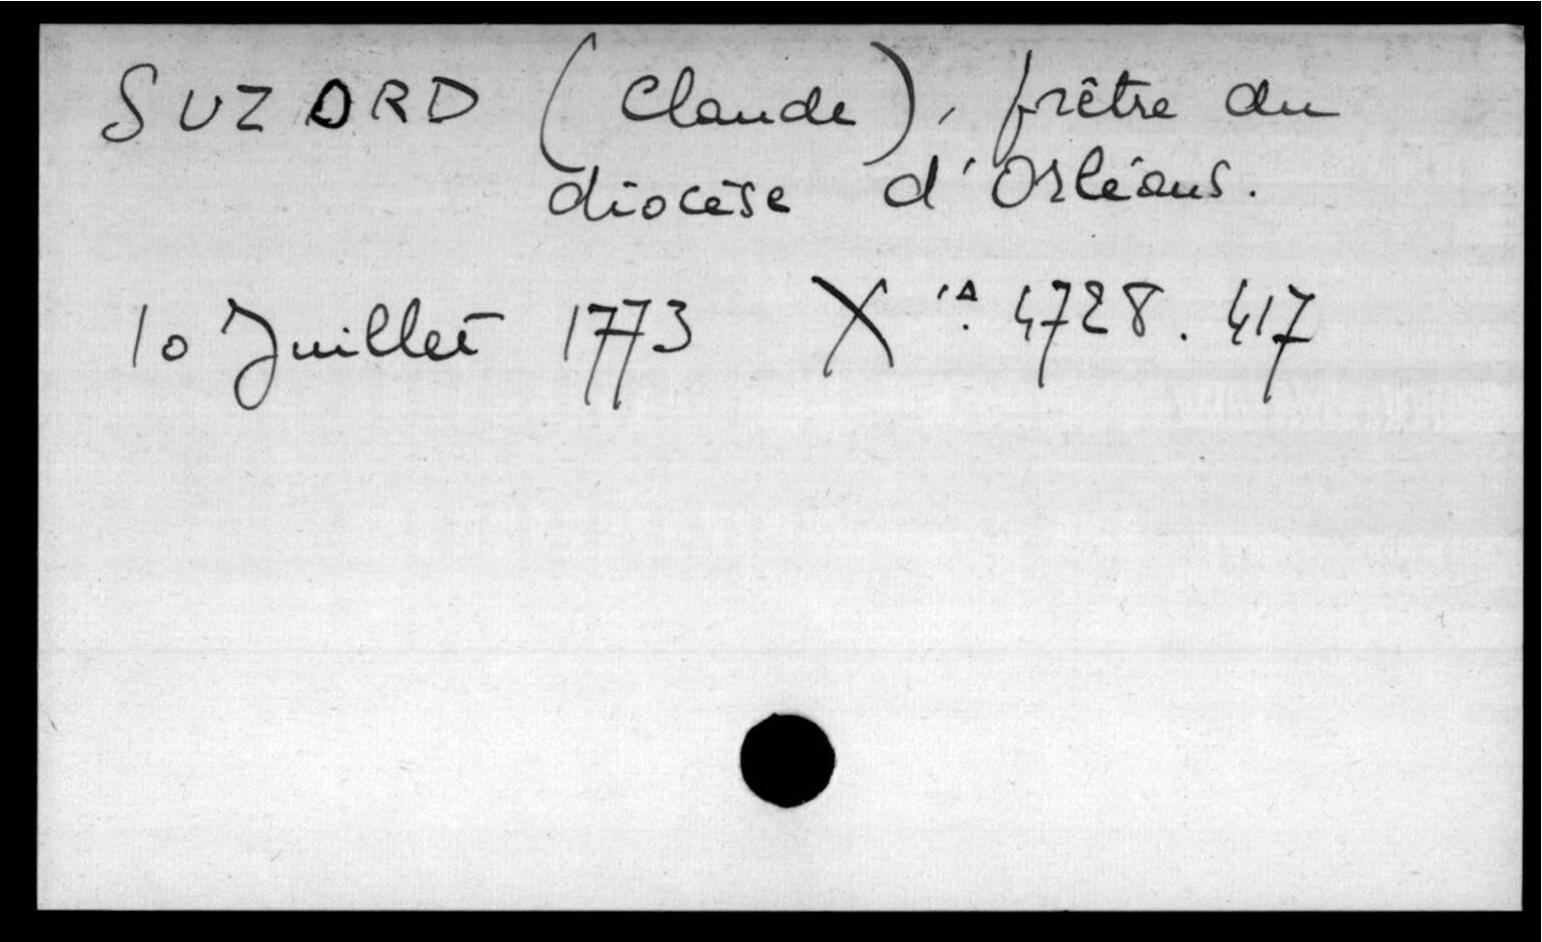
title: SUZORD (Claude), prêtre du diocèse d'Orléans.
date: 10 juillet 1773
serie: X1A
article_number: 4728
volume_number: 417
